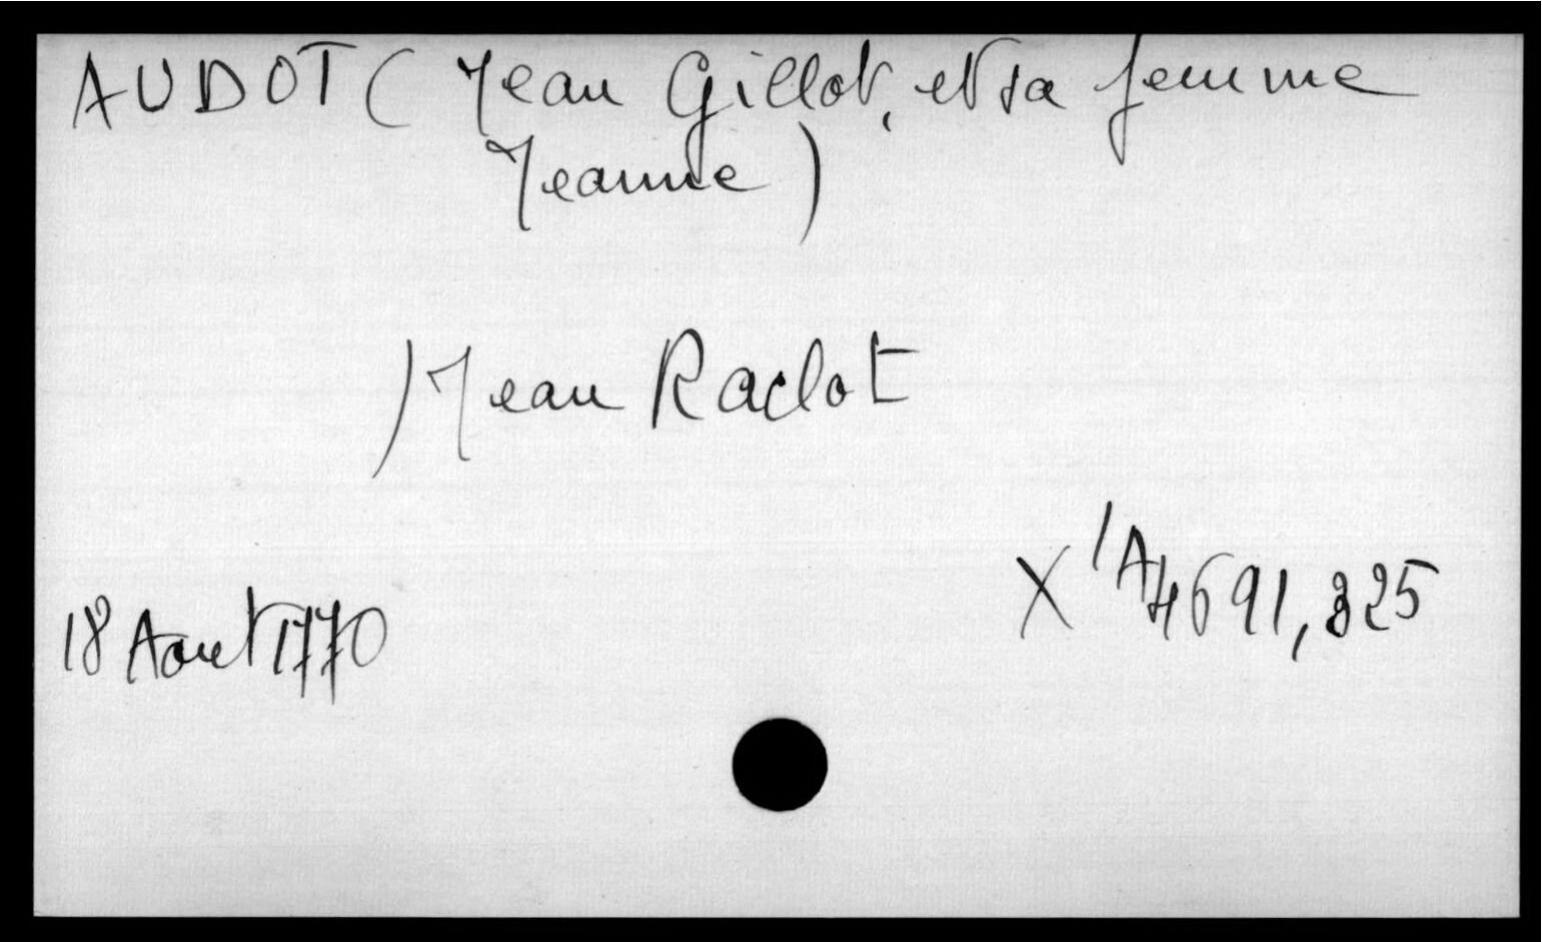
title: AUDOT (Jean Gillot, et da jemme Jeanne)
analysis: Contre Jean Raclot
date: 18 août 1770
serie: X1A
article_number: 4691
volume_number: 325
